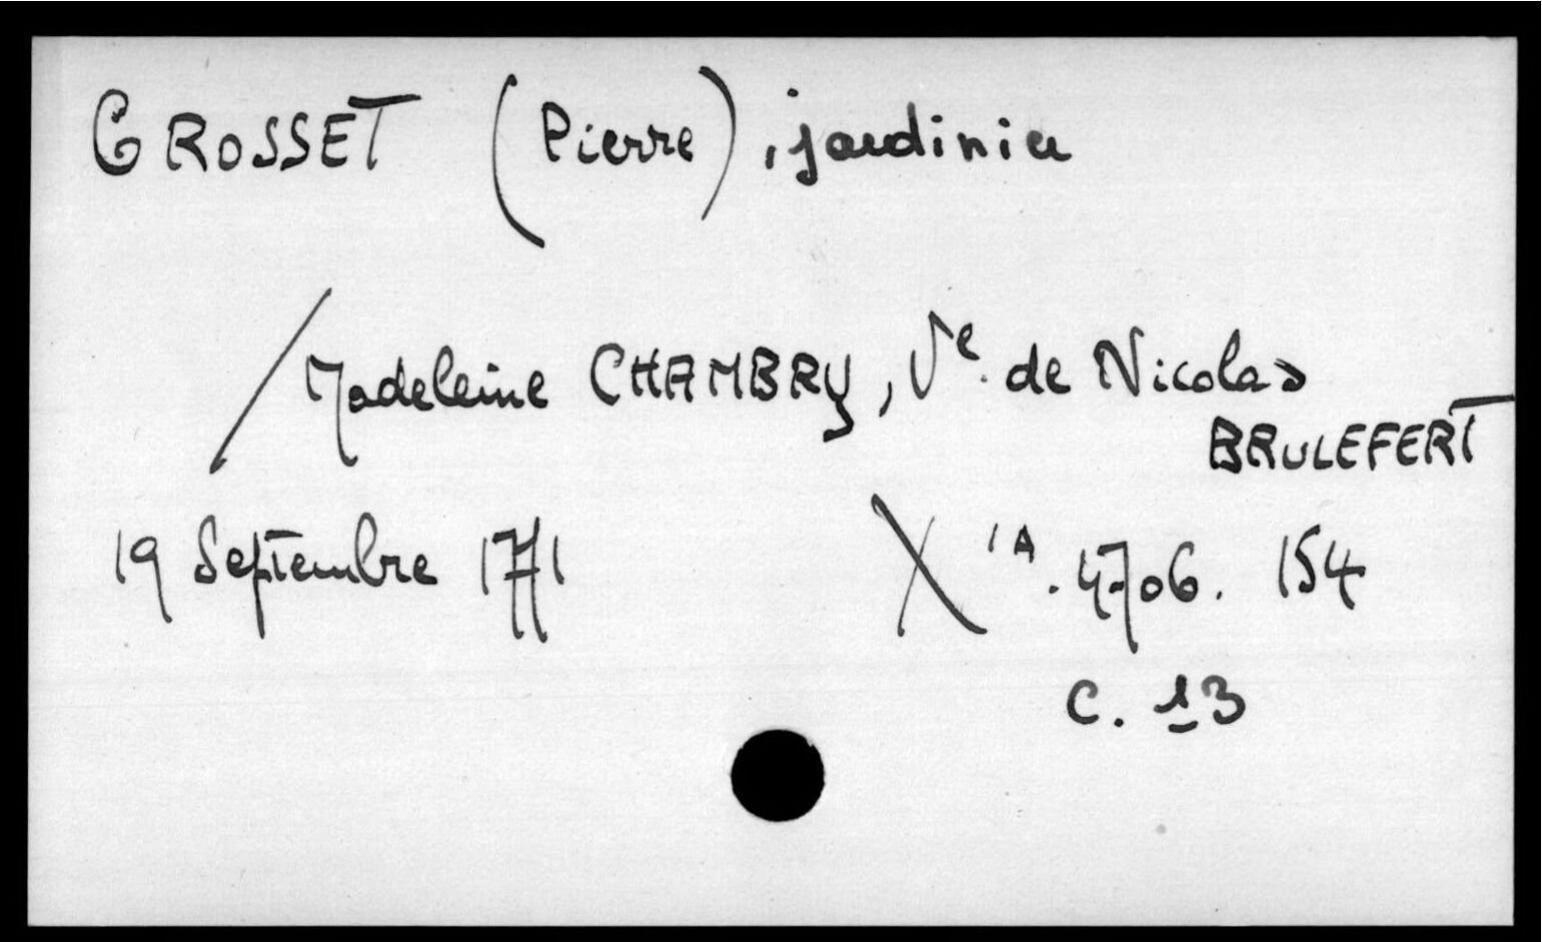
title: GROSSET (Pierre), jardinier
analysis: Contre Madeleine CHAMBRY, veuve de Nicolas BRULEFERT
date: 19 septembre 1771
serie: X1A
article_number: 4706
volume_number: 154
